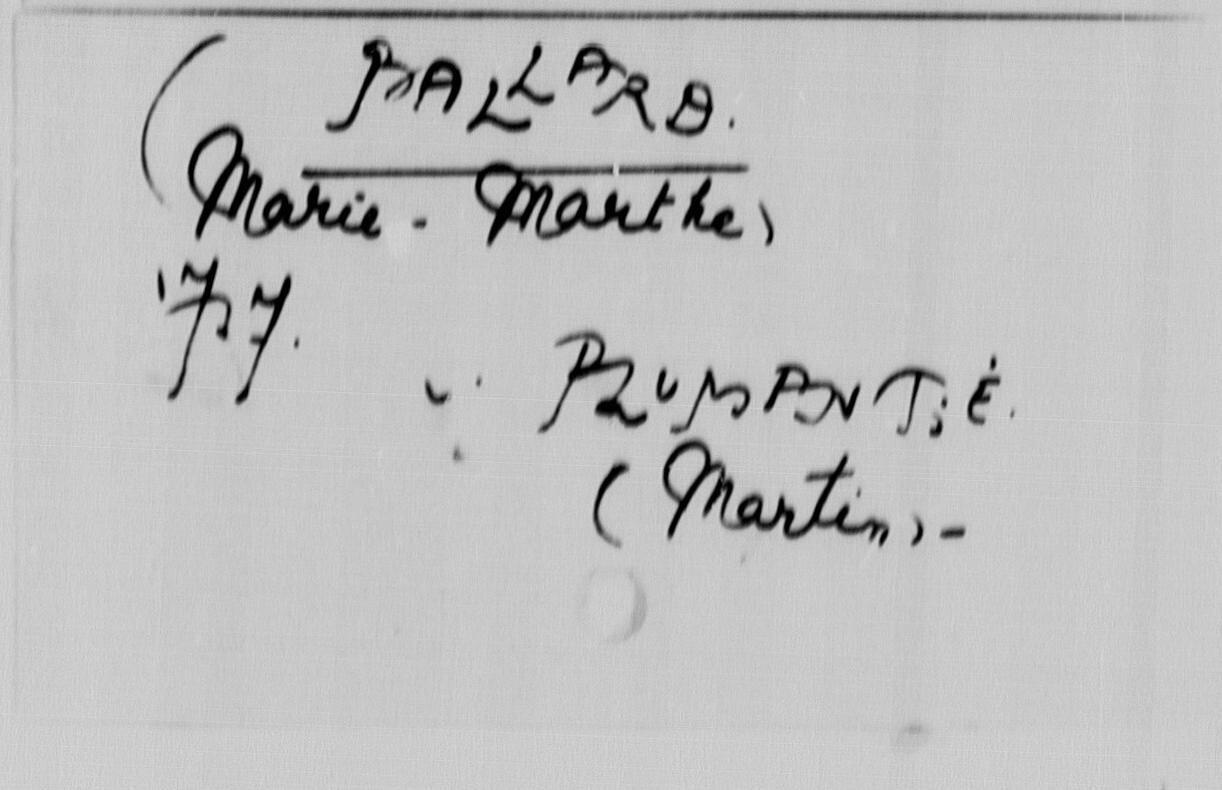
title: BALLARD (Marie-Marthe)
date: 1707
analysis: Voir PLUMANTIÉ (Martin)
